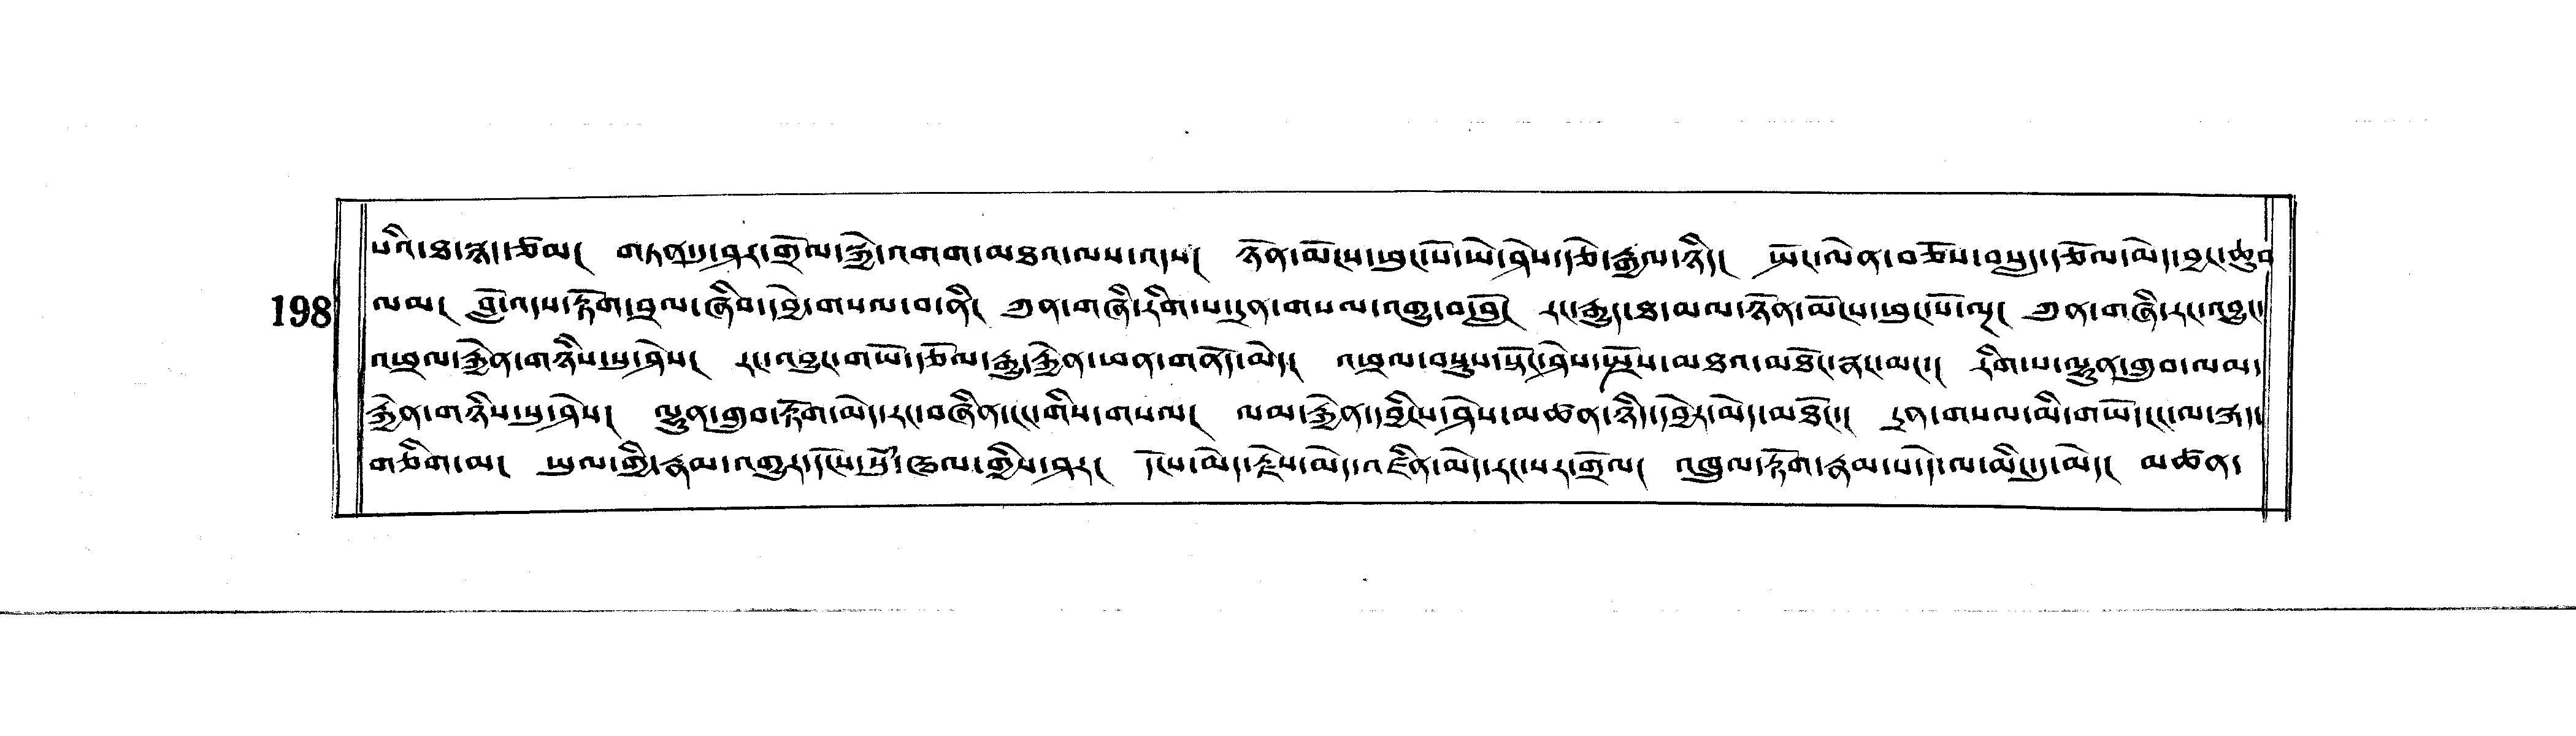པའི་ཐ་སྙད་ཙམ། གཏན་དུ་ཤར་གྲོལ་སྐྱེ་འགག་མཐའ་ལས་འདས། ཉོན་མོངས་ཕུང་པོ་ཡེ་ཤེས་རྩེ་རྒྱལ་ཉིད། སྤང་ལེན་བཅོས་སླད་རྩོལ་མེད་བྱང་ཆུབ་
ལམ། བློ་འདས་རྟོག་བྲལ་ཞིབ་དབྱེ་གསལ་བ་ནི། ཀུན་གཞི་རིག་པ་དྲན་གསལ་འགྱུ་བ་བློ། རང་རྒྱུད་ཐ་མལ་ཉོན་མོངས་ཕུང་པོ་ལྔ། ཀུན་གཞི་རང་འབྱུང་
འཕྲལ་རྐྱེན་གཉིས་སུ་ཤེས། རང་འབྱུང་གཡོ་རྩོལ་རྒྱུ་རྐྱེན་ཕན་གནོད་མེད། འཕྲལ་བསྡུས་སྟོང་ཤེས་སྤྲོས་མཐའ་མཐོང་སྣང་མང་། རིག་པ་ལྷུན་གྲུབ་ལམ་
རྐྱེན་གཉིས་སུ་ཤེས། ལྷུན་གྲུབ་རྟོག་མེད་རང་བཞིན་ངང་གིས་གསལ། ལམ་རྐྱེན་དབྱིངས་ཤེས་མཚན་ཉིད་དབྱེར་མེད་མཐོང་། དྲན་གསལ་མི་གཡོ་ངང་ལ་སྐད་
ཅིག་མ། ཡུལ་གྱི་རྣམ་འགྱུར་མངོན་སུམ་ཝལ་གྱིས་ཤར། དངོས་མེད་རྗེས་མེད་འཛིན་མེད་རང་སར་གྲོལ། འཁྲུལ་རྟོག་རྣམ་པ་དེ་ལ་མིང་དུ་མེད། མཚན་